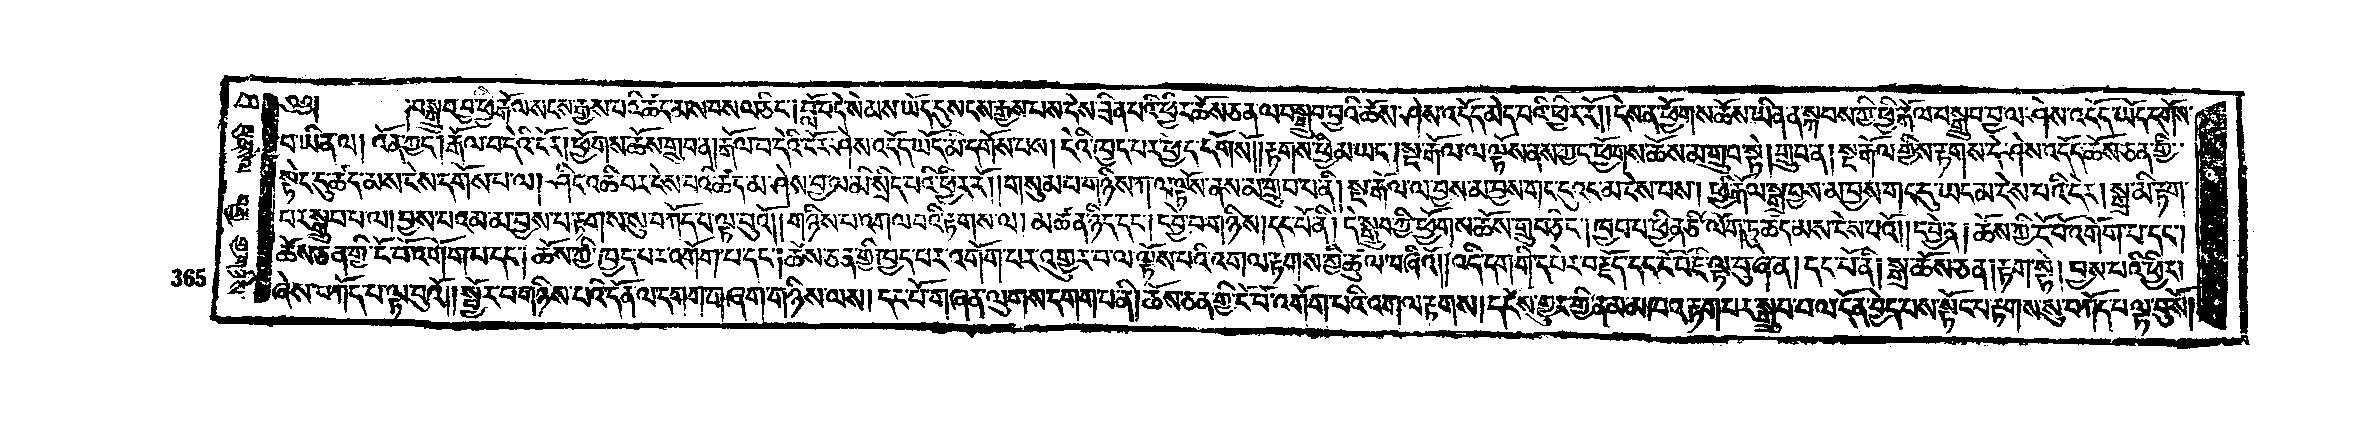༄༅། །བསྒྲུབ་བྱ་ཕྱི་རྒོལ་སངས་རྒྱས་པའི་ཚད་མས་བསལ་ཅིང་། བློ་བདེ་སེམས་ཡོད་དུ་སངས་རྒྱས་པས་དེས་ཟིན་པའི་ཕྱིར་ཆོས་ཅན་ལ་བསྒྲུབ་བྱའི་ཆོས་ཤེས་འདོད་མེད་པའི་ཕྱིར་རོ། །དེས་ན་ཕྱོགས་ཆོས་ཡིན་ན་སྐབས་ཀྱི་ཕྱི་རྒོལ་བསྒྲུབ་བྱ་ལ་ཤེས་འདོད་ཡོད་དགོས་
པ་ཡིན་ལ། འོན་ཀྱང་། རྒོལ་བ་དེའི་ངོར། ཕྱོགས་ཆོས་གྲུབ་ན། རྒོལ་བ་དེའི་ངོར་ཤེས་འདོད་ཡོད་མི་དགོས་པས། དེའི་ཁྱད་པར་ཕྱེད་དགོས་སོ། །རྟགས་ཕྱི་མ་ཡང་། སྔ་རྒོལ་ལ་ལྟོས་ནས་ཀྱང་ཕྱོགས་ཆོས་མ་གྲུབ་སྟེ། གྲུབ་ན། སྔ་རྒོལ་གྱིས་རྟགས་དེ་ཤེས་འདོད་ཆོས་ཅན་གྱི་
སྟེང་དུ་ཚད་མས་ངེས་དགོས་པ་ལ། ཤིང་འཆི་བར་ངེས་པའི་ཚད་མ་ཤེས་བྱ་ལ་མི་སྲིད་པའི་ཕྱིར་རོ། །གསུམ་པ་གཉིས་ཀ་ལ་ལྟོས་ནས་མ་གྲུབ་པ་ནི། སྔ་རྒོལ་ལ་བྱས་མ་བྱས་གང་དུའང་མ་ངེས་པས། ཕྱི་རྒོལ་སྒྲ་བྱས་མ་བྱས་གང་དུ་ཡང་མ་ངེས་པའི་ངོར། ?་སྒྲ་མི་རྟག་
པར་སྒྲུབ་པ་ལ། བྱས་པའམ་མ་བྱས་པ་རྟགས་སུ་བཀོད་པ་ལྟ་བུའོ། །གཉིས་པ་འགལ་བའི་རྟགས་ལ། མཚན་ཉིད་དང་། དབྱེ་བ་གཉིས། དང་པོ་ནི། དེ་སྒྲུབ་ཀྱི་ཕྱོགས་ཆོས་གྲུབ་ཅིང་། ཁྱབ་པ་ཕྱིན་ཅི་ལོག་ཏུ་ཚད་མས་ངེས་པའོ། །དབྱེ་ན། ཆོས་ཀྱི་ངོ་བོ་འགོག་པ་དང་།
ཆོས་ཅན་གྱི་ངོ་བོ་འགོག་པ་དང་། ཆོས་ཀྱི་ཁྱད་པར་འགོག་པ་དང་། ཆོས་ཅན་གྱི་ཁྱད་པར་འགོག་པར་འགྱུར་བ་ལ་ལྟོས་པའི་འགལ་རྟགས་ཀྱི་ཚུལ་བཞིའོ། །འདི་དག་གི་དཔེར་བརྗོད་དང་ངོ་བོ་ཇི་ལྟ་བུ་ཞེ་ན། དང་པོ་ནི། སྒྲ་ཆོས་ཅན། རྟག་སྟེ། བྱས་པའི་ཕྱིར།
ཞེས་བཀོད་པ་ལྟ་བུའོ། །སྦྱོར་བ་གཉིས་པའི་དོན་ལ་དགག་གཞག་གཉིས་ལས། དང་པོ་གཞན་ལུགས་དགག་པ་ནི། ཆོས་ཅན་གྱི་ངོ་བོ་འགོག་པའི་འགལ་རྟགས། དངོས་གྱུར་གྱི་ནམ་མཁའ་རྟག་པར་སྒྲུབ་པ་ལ་དོན་བྱེད་པས་སྟོང་པ་རྟགས་སུ་བཀོད་པ་ལྟ་བུའོ། །